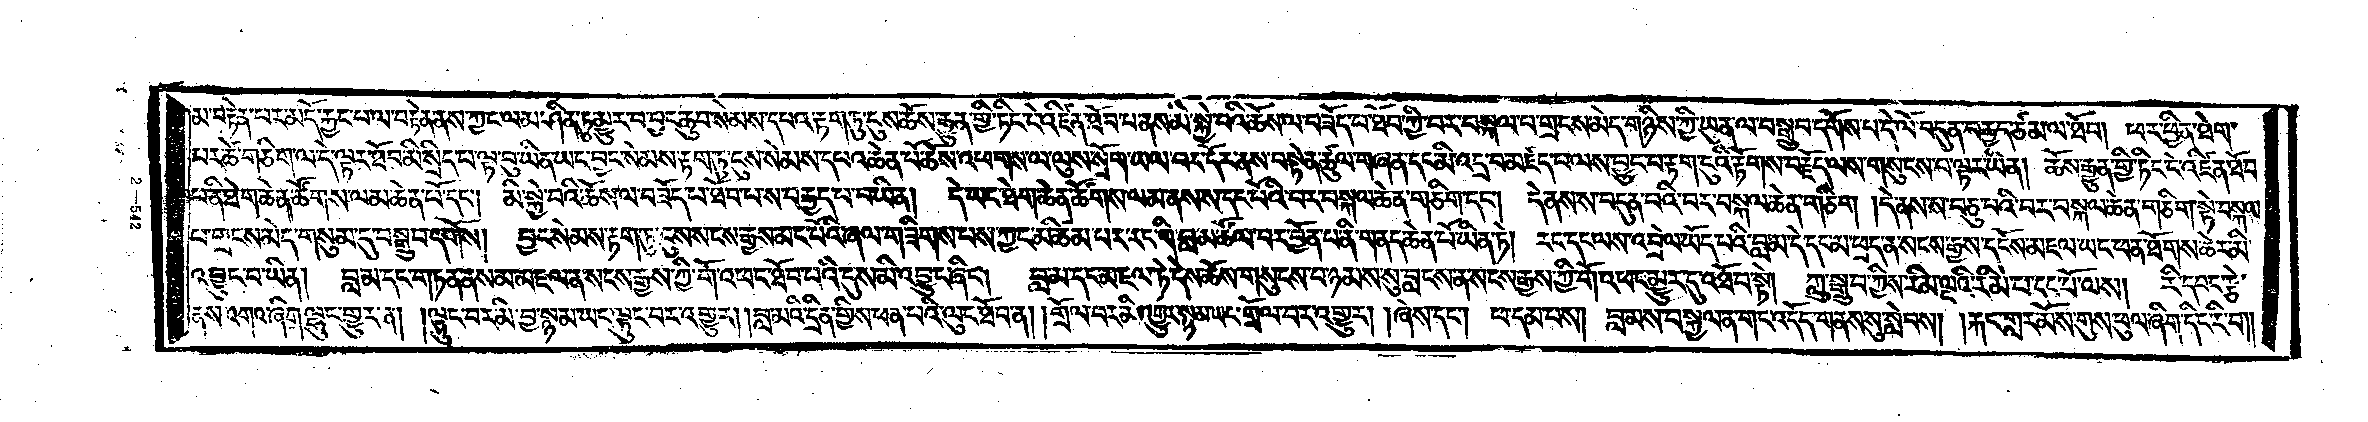ས་བརྟེན་པར?་མདོ་རྐྱང་པ་ལ་བརྟེན་ནས་ཀྱང་ལམ་ཤིན་ཏུ་མྱུར་བ་བྱང་ཆུབ་སེམས་དཔའ་རྟག་ཏུ་དུས་ཆོས་རྒྱུན་གྱི་ཏིང་ངེ་འཛིན་ཐོབ་པ་ནས་མི་སྐྱེ་བའི་ཆོས་ལ་བཟོད་པ་ཐོབ་ཀྱི་བར་བསྐལ་པ་གྲངས་མེད་གཉིས་ཀྱི་ཡུན་ལ་བསྒྲུབ་དགོས་པ་དེ་ལོ་བདུན་བརྒྱད་ཙམ་ལ་ཐོབ། ཕར་ཕྱིན་ཐེག་
?་ཚེ་གཅིག་ལ་དེ་ལྟར་ཐོབ་མི་སྲིད་པ་ལྟ་བུ་ཡིན་ཡང་བྱང་སེམས་རྟག་ཏུ་དུས་སེམས་དཔའ་ཆེན་པོ་ཆོས་འཕགས་ལ་ལུས་སྲོག་ཡལ་བར་དོར་ནས་བསྟེན་ཚུལ་གཞན་དང་མི་འདྲ་བ་མཛད་པ་ལས་བྱུང་བ་རྟག་དུའི་རྟོགས་བརྗོད་ལས་གསུངས་བ་ལྟར་ཡིན། ཆོས་རྒྱུན་གྱི་ཏིང་ངེ་འཛིན་ཐོབ་
པ་ནི་ཐེག་ཆེན་ཚོགས་ལ་མཆེན་པོ་དང་། མི་སྐྱེ་བའི་ཆོས་ལ་བཟོད་པ་ཐོབ་པ་ས་བརྒྱད་པ་བ་ཡིན། དེ་ཡང་ཐེག་ཆེན་ཚོགས་ལམ་ནས་ས་དང་པོའི་བར་བསྐལ་ཆེན་གཅིག་དང་། དེ་ནས་ས་བདུན་པའི་བར་བསྐལ་ཆེན་གཅིག །དེ་ནས་ས་བཅུ་པའི་བར་བསྐལ་ཆེན་གཅིག་སྟེ་བསྐལ་
པ་གྲངས་མེད་གསུམ་དུ་བསྒྲུབ་དགོས། བྱང་སེམས་རྟག་ཏུ་དུས་སངས་རྒྱས་མང་པོའི་ཞལ་གཟིགས་པས་ཀྱང་མ་ཚིམ་པར་རང་གི་བླ་མ་ཚོལ་བར་བྱོན་པ་ནི་གནད་ཆེན་པོ་ཡིན་ཏེ། རང་དང་ཡས་འབྲེལ་ཡོད་པའི་བླ་མ་དེད་མ་ཕྲད་ནས་སངས་རྒྱས་དངོས་མཇལ་ཡང་ཕན་ཐོགས་ཆེར་མི་
འབྱུང་པ་ཡིན། བླ་མ་དང་གཏན་ནས་མ་མཇལ་ན་སངས་རྒྱས་ཀྱི་གོ་འཕང་ཐོབ་པའི་དུས་མི་འབྱུང་ཞིང་། བླ་མ་དང་མཇལ་ཏེ་དེས་ཆོས་གསུངས་པ་ཉམས་སུ་བླངས་ན་སངས་རྒྱས་ཀྱི་གོ་འཕང་མྱུར་དུ་འཐོབ་སྟེ། ཀླུ་སྒྲུབ་ཀྱིས་རིམ་ལྔའི་རིམ་པ་དང་པོ་ལས། རི་དབང་རྩེ་
ནས་འགའ་ཞིག་ལྷུང་གྱུར་ན། །ལྟུང་བར་མི་བྱ་སྙམ་ཡང་ལྟུང་བར་འགྱུར། །བླ་མའི་དྲིན་གྱིས་ཕན་པའི་ལུང་ཐོབ་ན། །གྲོལ་བར་མི་འགྱུར་སྙམ་ཡང་གྲོལ་བར་འགྱུར། །ཞེས་དང་། ཕ་དམ་པས། བླ་མས་བསྐྱལ་ན་གང་འདོད་གནས་སུ་སླེབས། །རྐང་གླར་མོས་གུས་ཕུལ་ཞིག་དིང་རི་བ།།